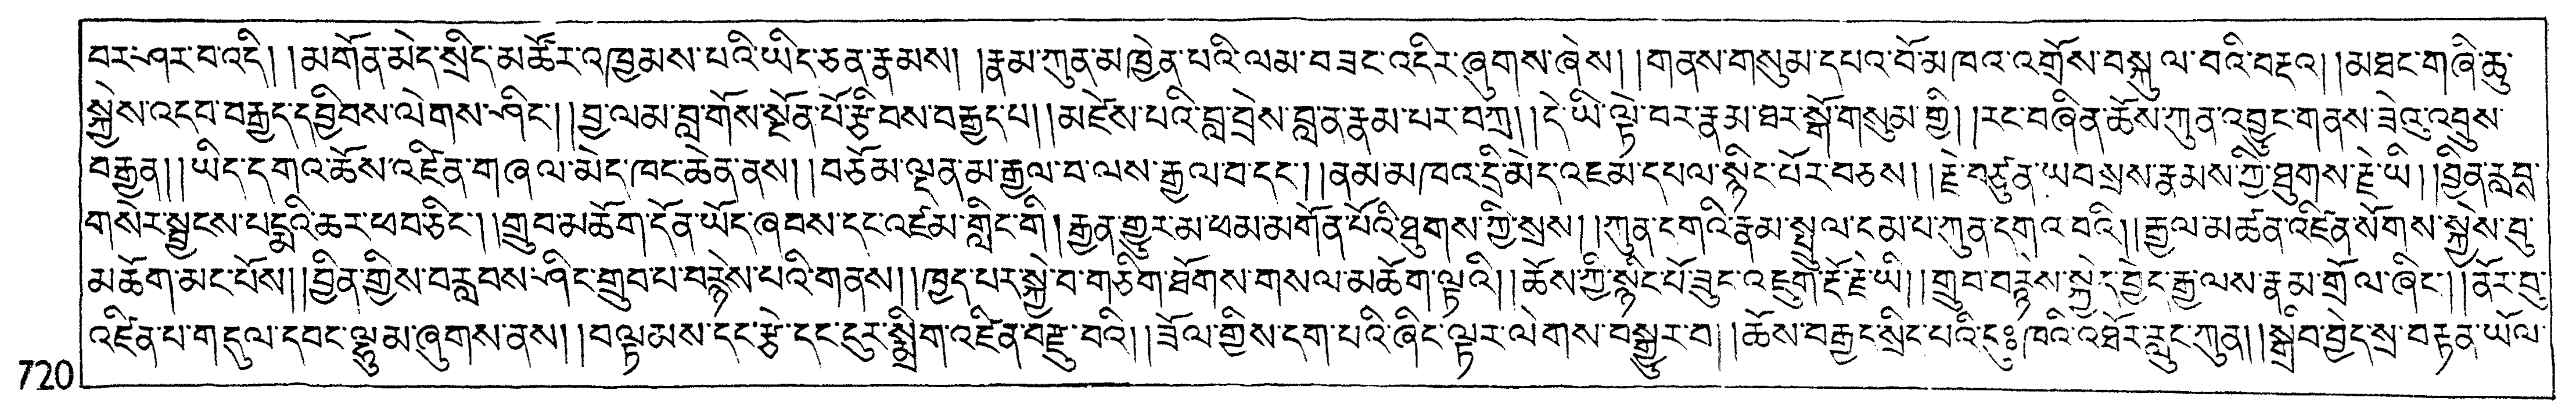བར་ཤར་བ་འདི། །མགོན་མེད་སྲིད་མཚོར་འཁྱམས་པའི་ཡིད་ཅན་རྣམས། །རྣམ་ཀུན་མཁྱེན་པའི་ལམ་བཟང་འདིར་ཞུགས་ཞེས། །གནས་གསུམ་དཔའ་བོ་མཁའ་འགྲོས་བསྐུལ་བའི་བརྡའ། །མཐང་གཞི་ཆུ་
སྐྱེས་འདབ་བརྒྱད་དབྱིབས་ལེགས་ཤིང་། །བྱ་ལམ་བླ་གོས་སྔོན་པོ་རྩིབས་བརྒྱད་པ། །མཛེས་པའི་བླ་བྲེས་བླ་ན་རྣམ་པར་བཀྲ། །དེ་ཡི་ལྟེ་བར་རྣམ་ཐར་སྒོ་གསུམ་གྱི། །རང་བཞིན་ཆོས་ཀུན་འབྱུང་གནས་ཟེའུ་འབྲུས་
བརྒྱན། །ཡིད་དགའ་ཆོས་འཛིན་གཞལ་མེད་ཁང་ཆེན་ནས། །བཅོམ་ལྡན་མ་རྒྱལ་བ་ལས་རྒྱལ་བ་དང་། །ནམ་མཁའ་དྲི་མེད་འཇམ་དཔལ་སྙིང་པོར་བཅས། །རྗེ་བཙུན་ཡབ་སྲས་རྣམས་ཀྱི་ཐུགས་རྗེ་ཡི། །བྱིན་རླབས་
གསེར་སྦྱངས་པདམའི་ཆར་ཕབ་ཅིང་། །གྲུབ་མཆོག་དོན་ཡོད་ཞབས་དང་འཛམ་གླིང་གི །རྒྱན་གྱུར་མ་ཕམ་མགོན་པོའི་ཐུགས་ཀྱི་སྲས། །ཀུན་དགའི་རྣམ་སྤྲུལ་དམ་པ་ཀུན་དགའ་བའི། །རྒྱལ་མཚན་འཛིན་སོགས་སྐྱེས་བུ་
མཆོག་མང་པོས། །བྱིན་གྱིས་བརླབས་ཤིང་གྲུབ་པ་བརྙེས་པའི་གནས། །ཁྱད་པར་སྐྱེ་བ་གཅིག་ཐོགས་གསལ་མཆོག་ལྟའི། །ཆོས་ཀྱི་སྙིང་པོ་ཟུང་འཇུག་རྡོ་རྗེ་ཡི། །གྲུབ་བརྙེས་སྐྱེད་བྱེད་རྒྱ་ལས་རྣམ་གྲོལ་ཞིང་། །ནོར་བུ་
འཛིན་པ་གདུལ་དབང་ལྷུམ་ཞུགས་ནས། །བལྟམས་དང་རྩེ་དང་ངུར་སྨྲིག་འཛིན་བརྫུ་བའི། །ཟོལ་གྱིས་དག་པའི་ཞིང་ལྟར་ལེགས་བསྒྱུར་བ། །ཆོས་བརྒྱད་སྲིད་པའི་དུཿ ཁའི་འཐོར་རླུང་ཀུན། །སྒྲིབ་བྱེད་སྲ་བརྟན་ཡོལ་